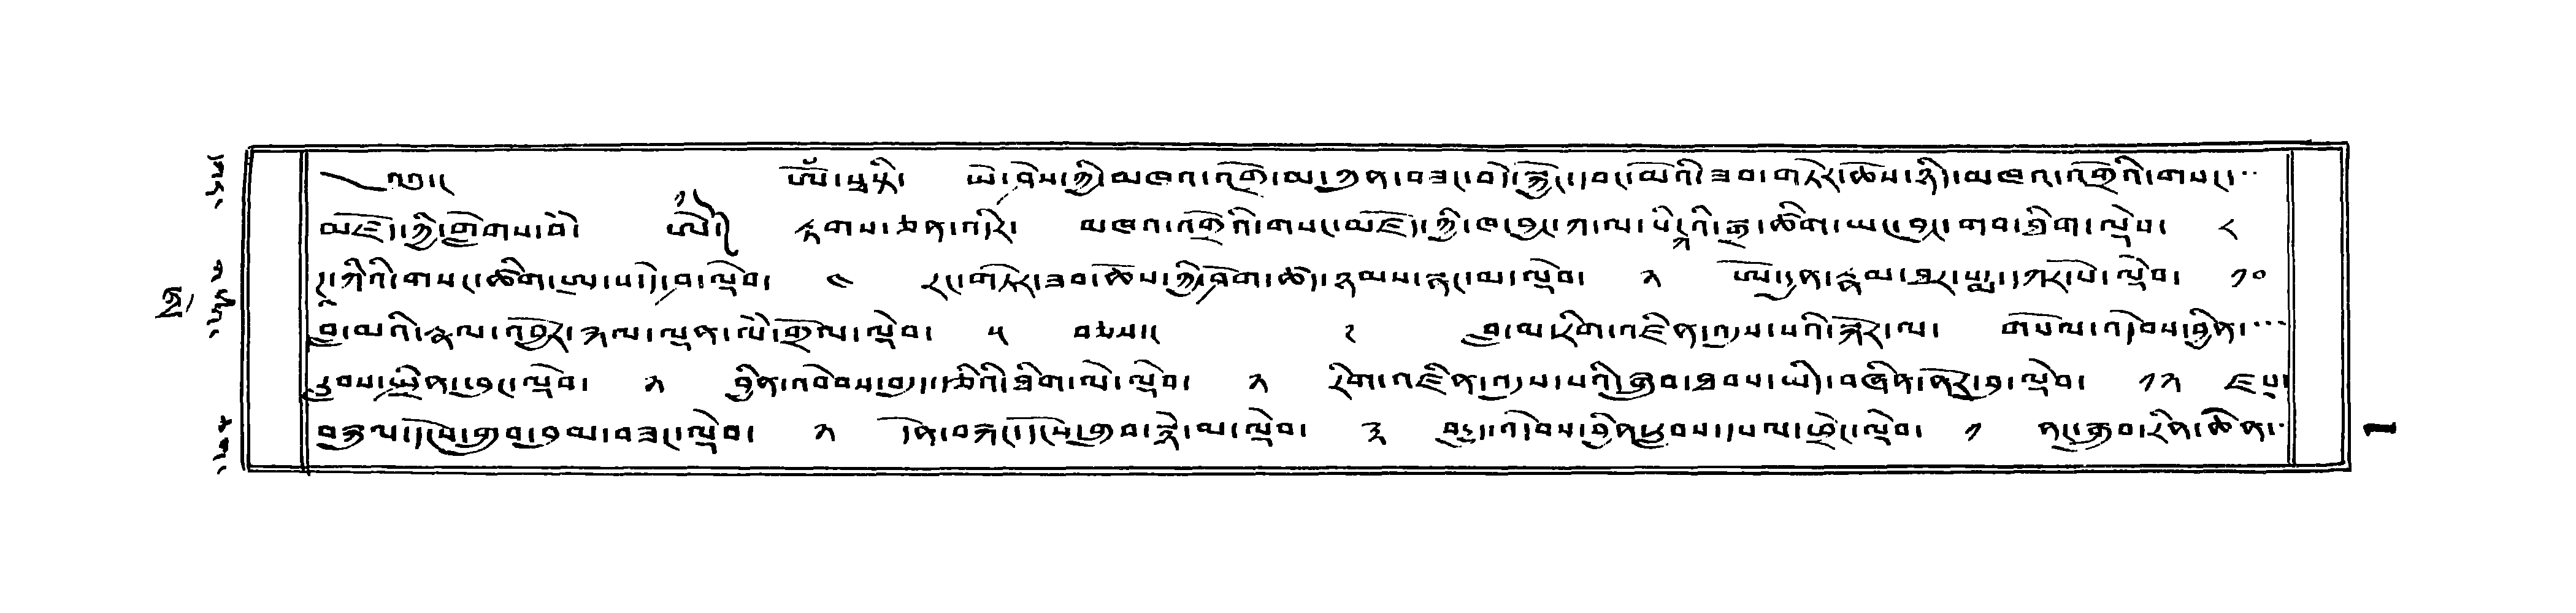༄༅། ཨོཾ་སྭ་སྟི། ཡེ་ཤེས་ཀྱི་མཁའ་འགྲོ་མ་ཀུན་བཟང་བདེ་སྐྱོང་དབང་མོའི་ཟབ་གཏེར་ཆོས་ཉིད་མཁའ་འགྲོའི་གསང་མཛོད་ཀྱི་གླེགས་བམ། ཨེ༽ རྟགས་ཅན་འདིར། མཁའ་འགྲོའི་གསང་
མཛོད་ཀྱི་ཁ་བྱང་ཀ་ལ་པིངྐའི་སྒྲ་ཚིག་ཡང་བྱང་གབ་ཐིག་ལྡེབ། ཌཱ་ཀིའི་གསང་ཚིག་ཨུ་པ་དེ་ཤ་ལྡེབ། རང་གཏེར་ཟབ་ཆོས་ཀྱི་ཤོག་ཚད་ཉམས་སྣང་མ་ལྡེབ། ཨོ་རྒྱན་རྣམ་ཐར་པདྨ་དཀར་པོ་ལྡེབ། 
བླ་མའི་རྣལ་འབྱོར་སྐལ་ལྡན་ལམ་གྲོལ་ལྡེབ། བཅས། ༄། བླ་མ་རིག་འཛིན་འདུས་པའི་སྐོར་ལ། གསོལ་འདེབས་བྱིན་
རླབས་སྤྲིན་དཔུང་ལྡེབ། བྱིན་འབེབས་བདུད་རྩིའི་ཐིག་ལེ་ལྡེབ། རིག་འཛིན་འདུས་པའི་སྒྲུབ་ཐབས་ཡིད་བཞིན་ནོར་བུ་ལྡེབ། འཛབ་
བསྐུལ་དངོས་གྲུབ་བུམ་བཟང་ལྡེབ། བརྒྱུད་འདེབས་བྱིན་རླབས་དཔལ་ཕྲེང་ལྡེབ། ནང་སྒྲུབ་རིན་ཆེན